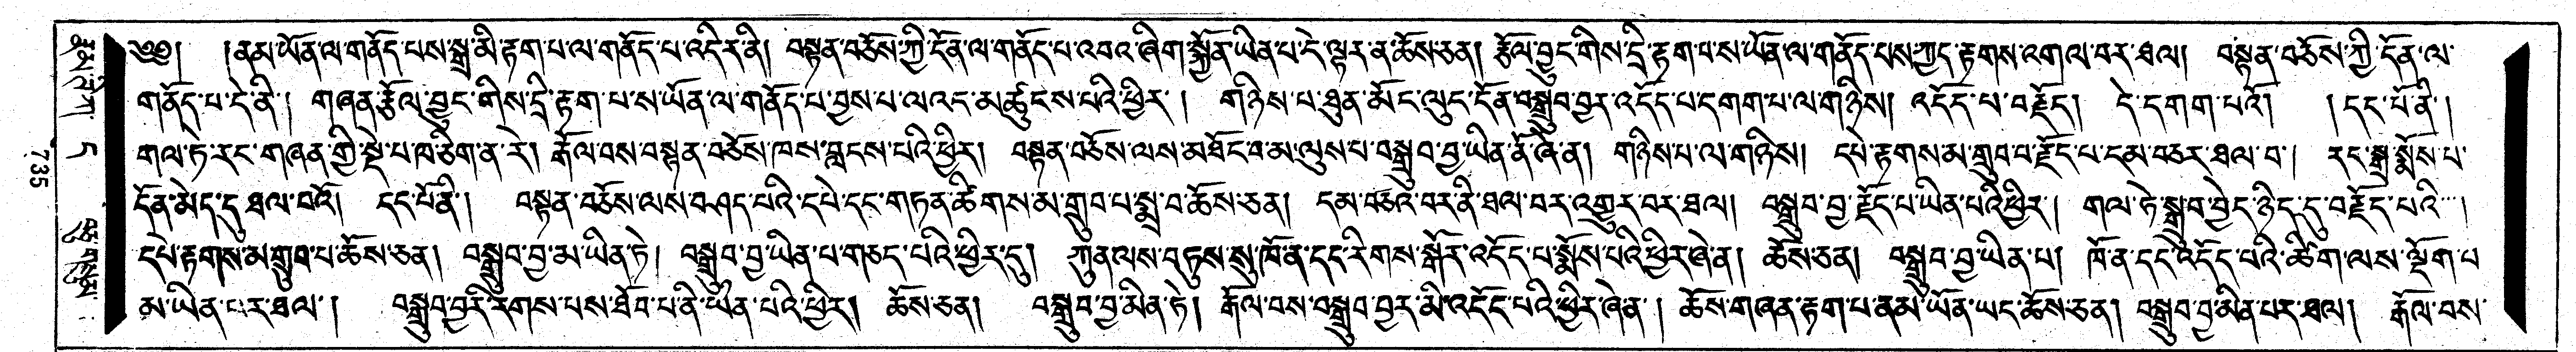༄༅། །ནམ་ཡོན་ལ་གནོད་པས་སྒྲ་མི་རྟག་པ་ལ་གནོད་པ་འདིར་ནི། བསྟན་བཅོས་ཀྱི་དོན་ལ་གནོད་པ་འབའ་ཞིག་སྐྱོན་ཡིན་པ་དེ་ལྟར་ན་ཆོས་ཅན། རྩོལ་བྱུང་གིས་དྲི་རྟག་པས་ཡོན་ལ་གནོད་པས་ཀྱང་རྟགས་འགལ་བར་ཐལ། བསྟན་བཅོས་ཀྱི་དོན་ལ་
གནོད་པ་དེ་ནི། གཞན་རྩོལ་བྱུང་གིས་དྲི་རྟག་པ་ས་ཡོན་ལ་གནོད་པ་བྱས་པ་ལའང་མཚུངས་པའི་ཕྱིར། གཉིས་པ་ཐུན་མོང་ལུང་དོན་བསྒྲུབ་བྱར་འདོད་པ་དགག་པ་ལ་གཉིས། འདོད་པ་བརྗོད། དེ་དགག་པའོ། །དང་པོ་ནི།
གལ་ཏེ་རང་གཞན་གྱི་སྡེ་པ་ཁ་ཅིག་ན་རེ། རྒོལ་བས་བསྟན་བཅོས་ཁས་བླངས་པའི་ཕྱིར། བསྟན་བཅོས་ལས་མཐོང་བ་མ་ལུས་པ་བསྒྲུབ་བྱ་ཡིན་ནོ་ཞེ་ན། གཉིས་པ་ལ་གཉིས། དཔེ་རྟགས་མ་གྲུབ་བརྗོད་པ་དམ་བཅར་ཐལ་བ། རང་སྒྲ་སྨོས་པ་
དོན་མེད་དུ་ཐལ་བའོ། དང་པོ་ནི། བསྟན་བཅོས་ལས་བཤད་པའི་དཔེ་དང་གཏན་ཚིགས་མ་གྲུབ་པ་སྨྲ་བ་ཆོས་ཅན། དམ་བཅའ་བར་ནི་ཐལ་བར་འགྱུར་བར་ཐལ། བསྒྲུབ་བྱ་རྗོད་པ་ཡིན་པའི་ཕྱིར། གལ་ཏེ་སྒྲུབ་བྱེད་ཉིད་དུ་བརྗོད་པའི།
དཔེ་རྟགས་མ་གྲུབ་པ་ཆོས་ཅན། བསྒྲུབ་བྱ་མ་ཡིན་ཏེ། བསྒྲུབ་བྱ་ཡིན་པ་གཅད་པའི་ཕྱིར་དུ། ཀུན་ལས་བཏུས་སུ་ཁོ་ན་དང་རིགས་སྒོར་འདོད་པ་སྨོས་པའི་ཕྱིར་ཞེ་ན། ཆོས་ཅན། བསྒྲུབ་བྱ་ཡིན་པ། ཁོ་ན་དང་འདོད་པའི་ཚིག་ལས་ལྡོག་པ་
མ་ཡིན་པར་ཐལ། བསྒྲུབ་བྱར་རིགས་པས་ཐོབ་པ་ནི་ཡིན་པའི་ཕྱིར། ཆོས་ཅན། བསྒྲུབ་བྱ་མིན་ཏེ། རྒོལ་བས་བསྒྲུབ་བྱར་མི་འདོད་པའི་ཕྱིར་ཞེ་ན། ཆོས་གཞན་རྟག་པ་ནམ་ཡོན་ཡང་ཆོས་ཅན། བསྒྲུབ་བྱ་མིན་པར་ཐལ། རྒོལ་བས་